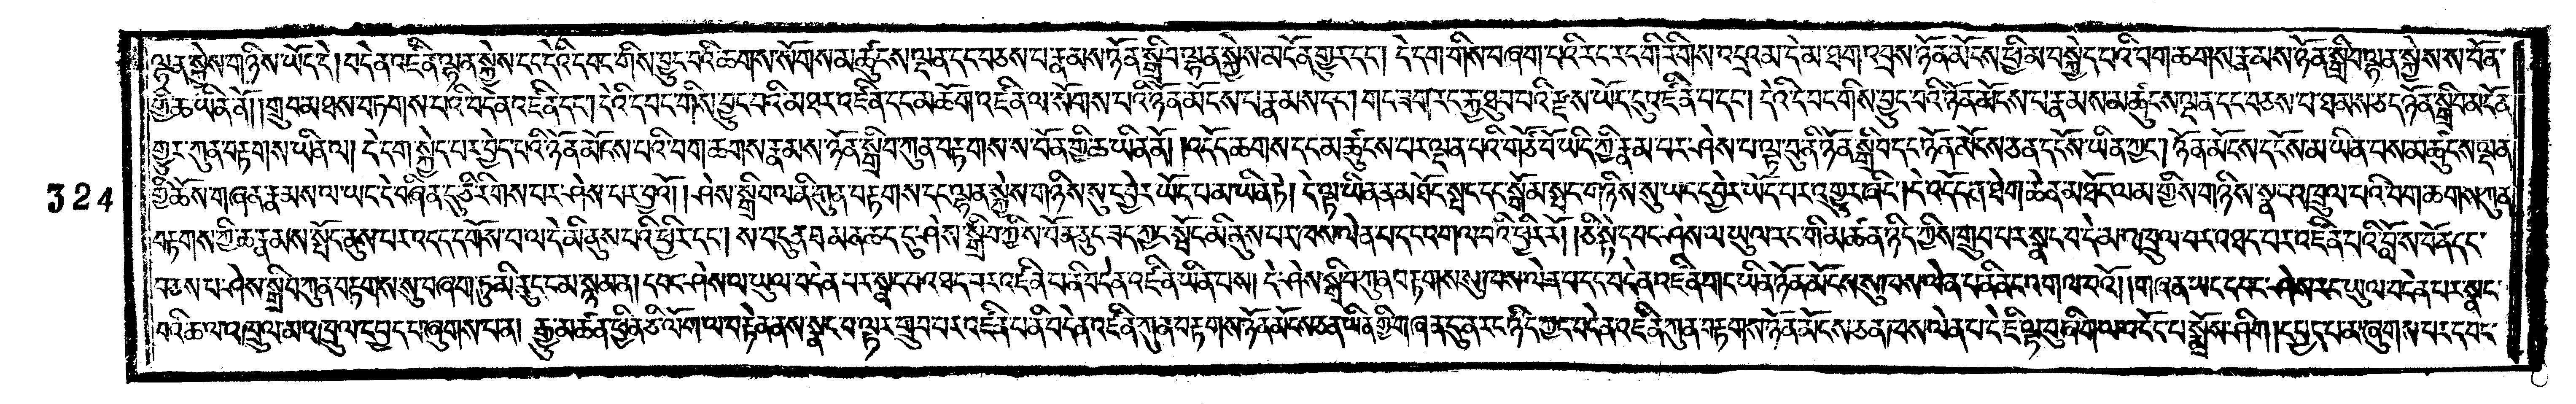ལྷན་སྐྱེས་གཉིས་ཡོད་དེ། བདེན་འཛིན་ལྷན་སྐྱེས་དང་དེའི་དབང་གིས་བྱུང་བའི་ཆགས་སོགས་མཚུངས་ལྡན་དང་བཅས་པ་རྣམས་ཉོན་སྒྲིབ་ལྷན་སྐྱེས་མངོན་གྱུར་དང་། དེ་དག་གིས་བཞག་པའི་རང་རང་གི་རིགས་འདྲའམ་དེ་མ་ཐག་འབྲས་ཉོན་མོངས་ཕྱི་མ་བསྐྱེད་པའི་བག་ཆགས་རྣམས་ཉོན་སྒྲིབ་ལྷན་སྐྱེས་ས་བོན་
གྱི་ཆ་ཡིན་ནོ། །གྲུབ་མཐས་བཏགས་པའི་བདེན་འཛིན་དང་། དེའི་དབང་གིས་བྱུང་བའི་མཐར་འཛིན་དང་མཆོག་འཛིན་ལ་སོགས་པའི་ཉོན་མོངས་པ་རྣམས་དང་། གང་ཟག་རང་རྐྱ་ཐུབ་པའི་རྫས་ཡོད་དུ་འཛིན་པ་དང་། དེའི་དབང་གིས་བྱུང་བའི་ཉོན་མོངས་པ་རྣམས་མཚུངས་ལྡན་དང་བཅས་པ་ཐམས་ཅད་ཉོན་སྒྲིབ་མངོན་
གྱུར་ཀུན་བརྟགས་ཡིན་ལ། དེ་དག་སྐྱེད་པར་བྱེད་པའི་ཉོན་མོངས་པའི་བག་ཆགས་རྣམས་ཉོན་སྒྲིབ་ཀུན་བརྟགས་ས་བོན་གྱི་ཆ་ཡིན་ནོ། །འདོད་ཆགས་དང་མཚུངས་པར་ལྡན་པའི་གཙོ་བོ་ཡིད་ཀྱི་རྣམ་པར་ཤེས་པ་ལྟ་བུ་ནི་ཉོན་སྒྲིབ་དང་ཉོན་མོངས་ཅན་དངོས་ཡིན་ཀྱང་། ཉོན་མོངས་དངོས་མ་ཡིན་བས་མཚུངས་ལྡན་
གྱི་ཆོས་གཞན་རྣམས་ལ་ཡང་དེ་བཞིན་དུ་ཅི་རིགས་བར་ཤེས་པར་བྱའོ། །ཤེས་སྒྲིབ་ལ་ནི་ཀུན་བརྟགས་དང་ལྷན་སྐྱེས་གཉིས་སུ་དབྱེར་ཡོད་པ་མ་ཡིན་ཏེ། དེ་ལྟ་ཡིན་ན་མཐོང་སྤང་དང་སྒོམ་སྤང་གཉིས་སུ་ཡང་དབྱེར་ཡོད་བར་འགྱུར་ཞིང་། དེ་འདོད་ན་ཐེག་ཆེན་མཐོང་ལམ་གྱིས་གཉིས་སྣང་འཁྲུལ་པའི་བག་ཆགས་ཀུན་
བརྟགས་ཀྱི་ཆ་རྣམས་སྤོང་ནུས་པར་འདོད་དགོས་པ་ལ་དེ་མི་ནུས་པའི་ཕྱིར་དང་། ས་བདུན་བ་མན་ཆད་དུ་ཤེས་སྒྲིབ་ཀྱི་ས་བོན་ཅུང་ཟད་ཀྱང་སྤོང་མི་ནུས་པར་ཁས་ལེན་པ་དང་འགལ་བའི་ཕྱིར་རོ། །ཅི་སྟེ་དབང་ཤེས་ལ་ཡུལ་རང་གི་མཚན་ཉིད་ཀྱིས་གྲུབ་པར་སྣང་བ་དེ་མ་འཁྲུལ་བར་འཐད་བར་འཛིན་པའི་བློ་ས་བོན་དང་
བཅས་པ་ཤེས་སྒྲིབ་ཀུན་བརྟགས་སུ་བཞག་ཏུ་མི་རུང་མ་སྙམ་ན། དབང་ཤེས་ལ་ཡུལ་བདེན་པར་སྣང་བ་འཐད་པར་འཛིན་པ་ནི་བདེན་འཛིན་ཡིན་པས། དེ་ཤེས་སྒྲིབ་ཀུན་བརྟགས་སུ་ཁས་ལེན་པ་དང་བདེན་འཛིན་གང་ཡིན་ཉོན་མོངས་སུ་ཁས་ལེན་པ་ནི་ནང་འགལ་བའོ། །གཞན་ཡང་དབང་ཤེས་རང་ཡུལ་བདེན་པར་སྣང་
བའི་ཆ་ལ་འཁྲུལ་མ་འཁྲུལ་དཔྱད་བ་ཞུགས་པ་ན། རྒྱུ་མཚན་ཕྱིན་ཅི་ལོག་ལ་བརྟེན་ནས་སྣང་བ་ལྟར་གྲུབ་པར་འཛིན་པ་ནི་བདེན་འཛིན་ཀུན་བརྟགས་ཉོན་མོངས་ཅན་ཡིན་གྱི་གཞན་དུ་ན་རང་ཉིད་ཀྱང་བདེན་འཛིན་ཀུན་བརྟགས་ཉོན་མོངས་ཅན་ཁས་ལེན་པ་དེ་ཇི་ལྟ་བུ་ཞིག་ལ་འདོད་པ་སྨྲོས་ཤིག། དབྱད་པ་མ་ཞུགས་པར་དབང་